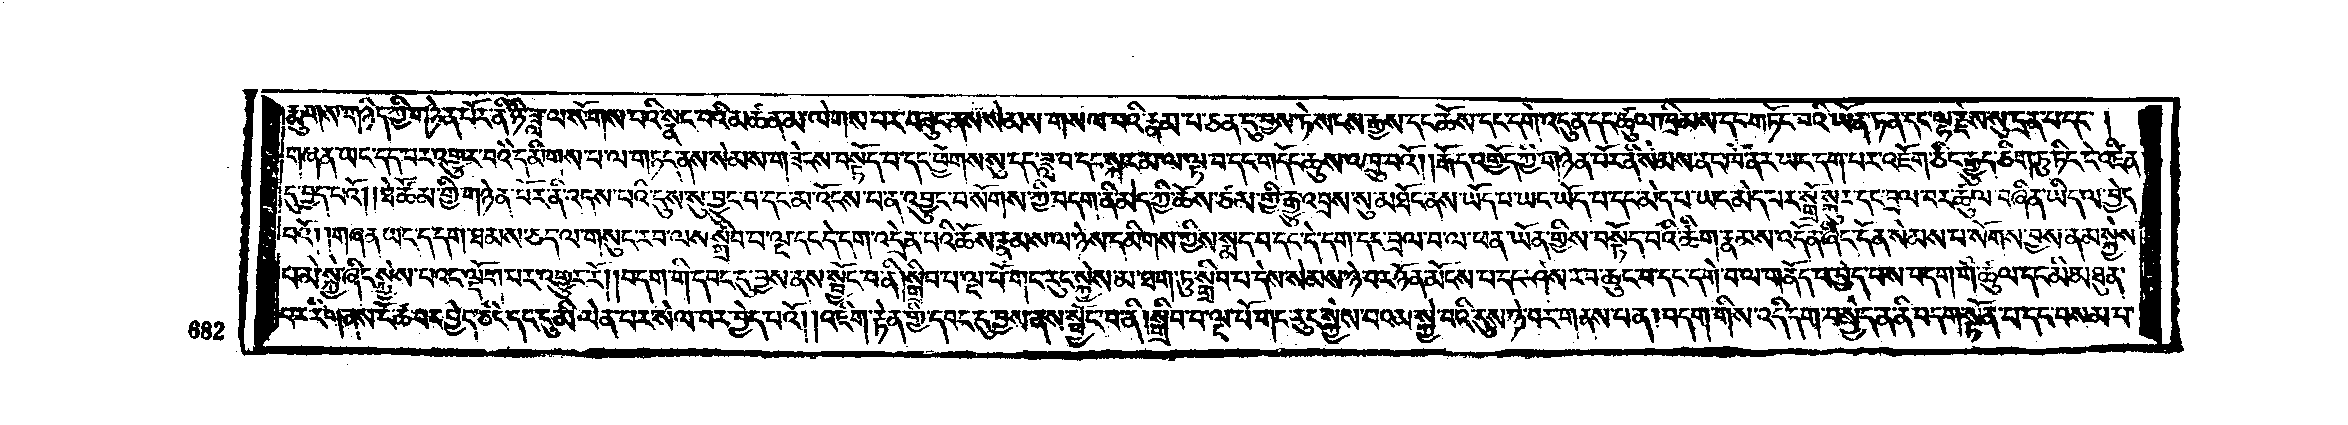རྨུགས་གཉིད་ཀྱི་གཉེན་པོར་ནི་ཉི་ཟླ་ལ་སོགས་པའི་སྣང་བའི་མཚན་མ་ལེགས་པར་བཟུང་ནས་སེམས་གསལ་བའི་རྣམ་པ་ཅན་དུ་བྱས་ཏེ་སངས་རྒྱས་དང་ཆོས་དང་དགེ་འདུན་དང་ཚུལ་ཁྲིམས་དང་གཏོང་བའི་ཡོན་ཏན་དང་ལྷ་རྗེས་སུ་དྲན་པ་དང་།
གཞན་ཡང་དད་པར་འགྱུར་བའི་དམིགས་པ་ལ་གཏད་ནས་སེམས་གཟེངས་བསྟོད་པ་དང་ཕྱོགས་སུ་དང་ཟླ་བ་དང་སྐར་མ་ལ་ལྟ་བ་དང་གདོང་ཆུས་འཁྲུ་བའོ། །རྒོད་འགྱོད་ཀྱི་གཉེན་པོར་ནི་སེམས་ནང་ཁོ་ནར་ཡང་དག་པར་འཇོག་ཅིང་རྒྱུད་ཅིག་ཏུ་ཏིང་ངེ་འཛིན་
དུ་བྱད་པའོ། །ཐེ་ཚོམ་གྱི་གཉེན་པོར་ནི་འདས་པའི་དུས་སུ་བྱུང་བ་དང་མ་འོངས་པ་ན་འབྱུང་བ་སོགས་ཀྱི་བདག་ནི་མེད་ཀྱི་ཆོས་ཙམ་གྱི་རྒྱུ་འབྲས་སུ་མཐོང་ནས་ཡོད་པ་ཡང་ཡོད་པ་དང་མེད་པ་ཡང་མེད་པར་སྒྲོ་སྐུར་དང་བྲལ་བར་ཚུལ་བཞིན་ཡིད་ལ་བྱེད་
པའོ། །གཞན་ཡང་དེ་དག་ཐམས་ཅད་ལ་གསུང་རབ་ལས་སྒྲིབ་པ་ལྔ་དང་དེ་དག་འདྲེན་པའི་ཆོས་རྣམས་ལ་ཉེས་དམིགས་ཀྱིས་སྨད་པ་དང་དེ་དག་དང་བྲལ་བ་ལ་ཕན་ཡོན་གྱིས་བསྟོད་པའི་ཚིག་རྣམས་འདོན་ཞིང་དོན་སེམས་པ་སོགས་བྱས་ན་མ་སྐྱེས་
པ་མེ་སྐྱེ་ཞིང་སྐྱེས་པའང་ལྡོག་པར་འགྱུར་རོ། །བདག་གི་དབང་དུ་བྱས་ནས་སྦྱོང་བ་ནི། སྒྲིབ་པ་ལྔ་པོ་གང་རུང་སྐྱེས་མ་ཐག་ཏུ་སྒྲིབ་པ་དེས་སེམས་ཉེ་བར་ཉོན་མོངས་པ་དང་ཤེས་རབ་ཆུང་བ་དང་དགེ་བ་ལ་གནོད་པ་བྱེད་པས་བདག་གི་ཚུལ་དང་མི་མཐུན་
པར་རིག་ནས་ངོ་ཚ་བར་བྱེད་ཅིང་དང་དུ་མི་ལེན་པར་སེལ་བར་བྱེད་པའོ། །འཇིག་རྟེན་གྱི་དབང་དུ་བྱས་ནས་སྦྱོང་བ་ནི། སྒྲིབ་པ་ལྔ་པོ་གང་རུང་སྐྱེས་པའམ་སྐྱེ་བའི་དུས་ཉེ་བར་གནས་པ་ན། བདག་གིས་འདི་དག་བསྐྱེད་ན་ནི་བདག་སྟོན་པ་དང་བསམ་པ་